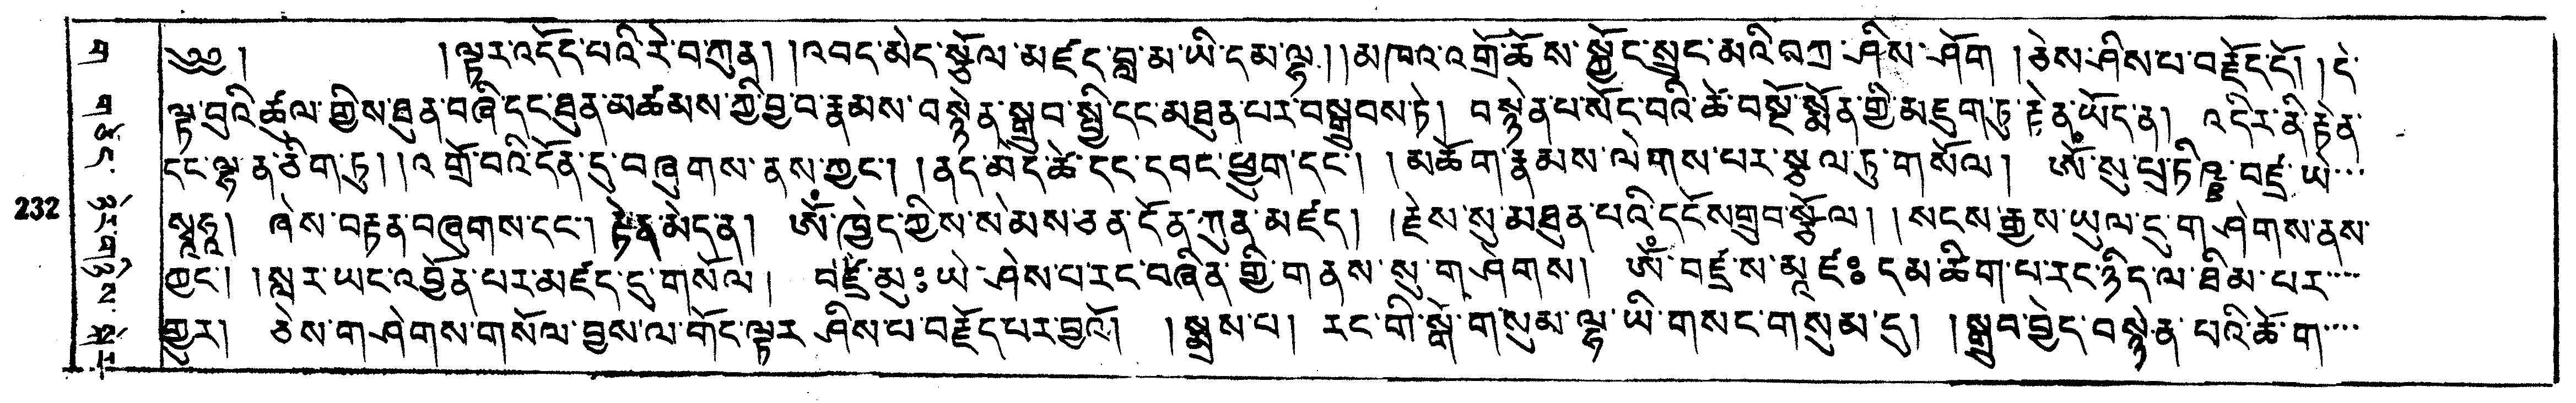༄༅། །ལྟར་འདོད་པའི་རེ་བ་ཀུན། །འབད་མེད་སྩོལ་མཛད་བླ་མ་ཡི་དམ་ལྷ། །མཁའ་འགྲོ་ཆོས་སྐྱོང་སྲུང་མའི་བཀྲ་ཤིས་ཤོག །ཅེས་ཤིས་པ་བརྗོད་དོ། །དེ་
ལྟ་བུའི་ཚུལ་གྱིས་ཐུན་བཞི་དང་ཐུན་མཚམས་ཀྱི་བྱ་བ་རྣམས་བསྙེན་སྒྲུབ་སྤྱི་དང་མཐུན་པར་བསྒྲུབས་ཏེ། བསྙེན་པ་སོང་བའི་ཚེ་བསྔོ་སྨོན་གྱི་མཇུག་ཏུ་རྟེན་ཡོད་ན། འདིར་ནི་རྟེན་
དང་ལྷན་ཅིག་ཏུ། །འགྲོ་བའི་དོན་དུ་བཞུགས་ནས་ཀྱང་། །ནད་མེད་ཚེ་དང་དབང་ཕྱུག་དང་། །མཆོག་རྣམས་ལེགས་པར་སྩལ་ཏུ་གསོལ། ཨོཾ་སུ་པྲ་ཏི་ཥཊཿཨ་བཛྲ་ཡེ་
སྭཱཧཱ། ཞེས་བརྟན་བཞུགས་དང་། རྟེན་མེད་ན། ཨོཾ་ཁྱེད་ཀྱིས་སེམས་ཅན་དོན་ཀུན་མཛད། །རྗེས་སུ་མཐུན་པའི་དངོས་གྲུབ་སྩོལ། །སངས་རྒྱས་ཡུལ་དུ་གཤེགས་ནས་
ཀྱང་། །སླར་ཡང་འབྱོན་པར་མཛད་དུ་གསོལ། བཛྲ་མུཿ ཡེ་ཤེས་པ་རང་བཞིན་གྱི་གནས་སུ་གཤེགས། ཨོཾ་བཛྲ་སམཱ་ཛཿ དམ་ཚིག་པ་རང་ཉིད་ལ་ཐིམ་པར་
གྱུར། ཅེས་གཤེགས་གསོལ་བྱས་ལ་གོང་ལྟར་ཤིས་པ་བརྗོད་པར་བྱའོ། །སྨྲས་པ། རང་གི་སྒོ་གསུམ་ལྷ་ཡི་གསང་གསུམ་དུ། །སྒྲུབ་བྱེད་བསྙེན་པའི་ཆོ་ག་